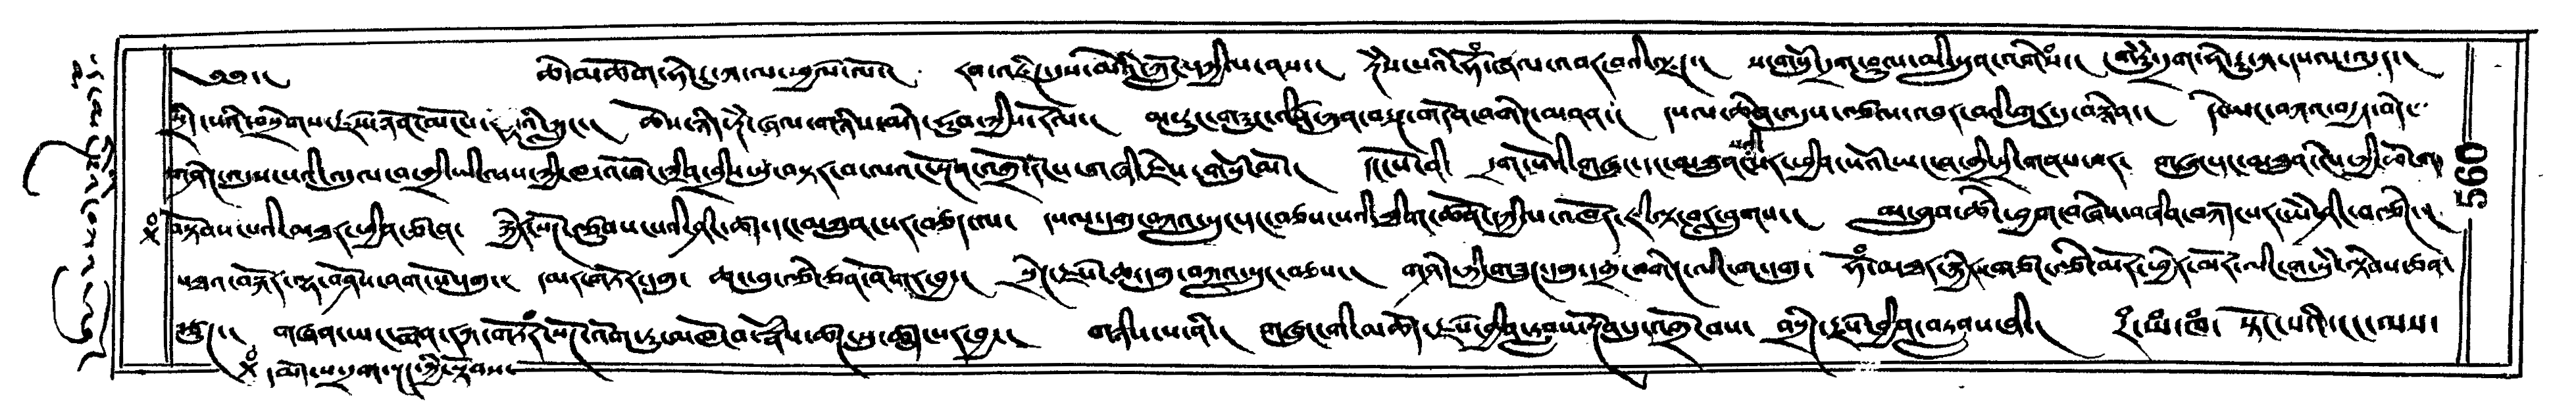ཆེ་མཆོག་ཧེ་རུ་ཀ་ལ་ཕྱག་འཚལ་ལོ། རབ་འཇིགས་དུས་མེའི་ཀློང་དཀྱིལ་ནས། །རྔམས་པའི་ཧོཾ་ཞལ་འབར་བའི་ལྗགས། །ས་གསུམ་དྲག་ཤུལ་མི་སྲུན་འགོམས། གུ་རུ་དྲག་ཧེ་རུ་ཀ་དཔལ་འདུད། །
སྲིད་པའི་བསྲེག་རྫས་ཉོན་མོངས་རཀྟའི་ཀླུང་། །ཆོས་ཉིད་རྔམས་ཞལ་གཉིས་མེད་ཧུབ་ཀྱིས་རོལ། །མ་རུང་གཟུང་འཛིན་ཀུན་རྟགས་གདོན་བགེགས་མནན། །དཔལ་ཆེན་འདུས་རྩལ་འབར་བའི་གུར་དུ་བསྙེན། དེ་ཡང་བཀའ་བརྒྱད་བདེ་
གཤེགས་འདུས་པའི་འདུལ་བ་གྲི་ཡི་ལས་ཀྱི་ཁ་འཕང་ཟིན་བྲིས་སུ་བསྟར་བ་ལའང་སྔོན་འགྲོ་དངོས་གཞི་རྗེས་གསུམ་མོ། དང་པོ་ནི། དྲག་པོའི་གཞུང་དང་མཐུན་པའི་སར་ཕྱིན་པའམ་ཡང་ན་གྲི་སྲི་གནས་བར། གཞུང་དང་མཐུན་ངེས་ཀྱི་ཆོ་ག་
བསྟོབས་པའི་མཐར་ཕྱིན་ཙ་ན། སྐྱེར་སོགས་རྩུབ་པའི་ཤིང་ཚད་དང་མཐུན་པར་བཅད་ལ། དཔལ་དགུ་བཀའ་སྲུང་དང་བཅས་པའི་ཐིག་ཚོན་དཀྱིལ་འཁོར་ཇི་ལྟ་བར་བླུགས། མ་གྲུབ་ཚེ་ཕྱག་བཞེས་བཞིན་བཀོད་པར་ཡམ་ཤིང་བརྩེགས། 
མཐའ་བསྐོར་ལྷ་བཤོས་ནག་པོ་དགུ། དམར་གཏོར་དགུ། ཆང་བུ་རྩེ་ཅན་ནག་པོར་བྱ། སྲེག་རྫས་ཆ་དགུ་བཀའ་སྲུང་བཅས། གཤེད་ཀྱི་གཟུགས་དགུ་དགྲ་བགེགས་ལིང་ག་དགུ། ཧོམ་མཐར་སྐྱེར་གཙང་རྩེ་མོར་ལིང་ག་སུམ་ལྟེབས་ཅན་
བཙུགས། གཞན་ཡང་སྨན་རཀ་གཏོར་མ་སོགས་འོག་ཏུ་མཁོ་བ་རྣམས་ཚགས་སུ་ཚུད་པར་་བྱ། གཉིས་པ་ནི། གཞུང་གི་མཆོད་རྫས་བྱིན་བརླབས་སྔོན་དུ་འགྲོ་བས། བསྲེགས་རྫས་བྱིན་རླབས་ནི། རཾ་ཡཾ་ཁཾ། སྟོང་པའི་ངང་ལས་༼